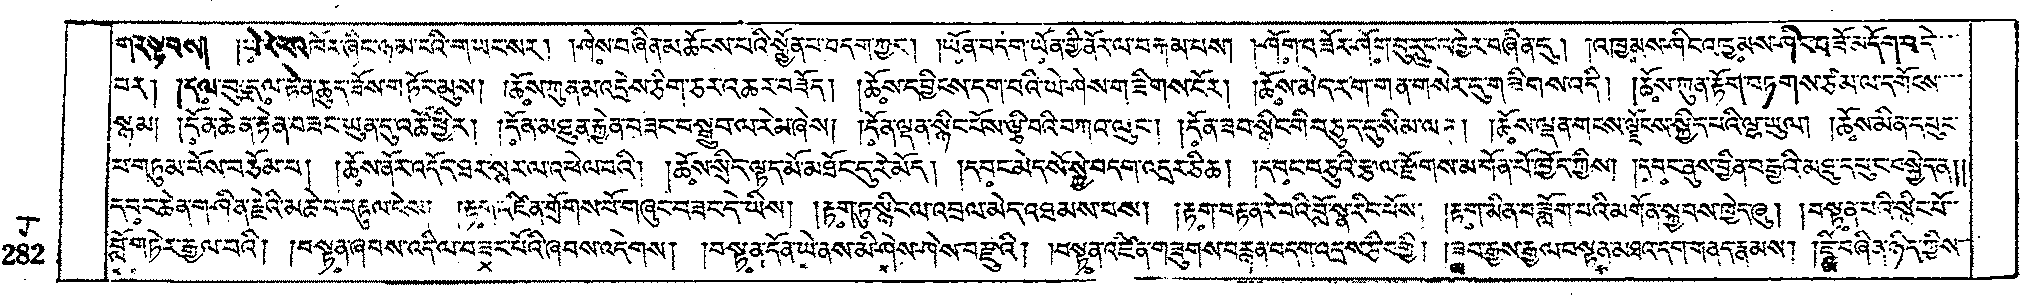གར་སྟབས། །ཡེ྾་རེར་འཁོར་ཞིང་ཉམ་ངའི་གཡང་སར། །ཤེས྾་བཞིན་མཆོངས་པའི་སྨྱོན་པ་བདག་ཀྱང་། །ཡོན྾་བདག་ཡོན྾་གྱི་ནོར་ལ་བརྐམ་པས། །ཤོག྾་བཟོར་ཤོག྾་བུ་རླུང་འཁྱེར་བཞིན་དུ། །འཁྱམས྾་ཤིང་འཁྱམས྾་ཤིང་བཟོ་མདོག་བདེ་་་
པར། །དལ྾་བུར་དལ྾་རྟེན་ཆུད་ཟོས་གཏོང་མུས། །ཆོས྾་ཀུན་མ་འདྲེས་ཅིག་ཅར་འཆར་བཟོད། །ཆོས྾་དབྱིངས་དག་པའི་ཡེ་ཤེས་གཟིགས་ངོར། །ཆོས྾་མེད་རག་གན་གསེར་དུ་གཟིགས་འདི། །ཆོས྾་ཀུན་རྟོག་བཏགས་ཙམ་ལ་དགོངྶ་་་
སྙམ། །དོན྾་ཆེན་རྟེན་བཟང་ཡུན་དུ་འཚོ་ཕྱིར། །དོན྾་མཐུན་རྐྱེན་བཟང་བསྒྲུབ་ལ་རིམ་ཞེས། །དོན྾་ལྡན་སྙིང་པོས་ལྕི་བའི་བཀའ་ལུང་། །དོན྾་ཟབ་སྙིང་གི་བཅུད་དུ་སིམ་ལཊ། །ཆོས྾་ལྡན་གངས་ལྗོངས་སྐྱིད་པའི་ལྷ་ཡུལ། །ཆོས྾་མིན་དཔུང་
པ་གཏུམ་པོས་བཅོམ་པ། །ཆོས྾་ནོར་འདོད་ཐར་སླར་ལ་འཕེལ་བའི། །ཆོས྾་སྲིད་ལྟད་མོ་མཐོང་དུ་རེ་མོད། །དབང྾་མེད་སོ་སྐྱེ་བདག་འདྲར་ཅི་ཆ། །དབང྾་བཅུའི་རྩལ་རྫོགས་མགོན་པོ་ཁྱོད་ཀྱིས། །དབང྾་ནུས་བྱིན་བརྒྱའི་མཐུ་དཔུང་བསྐྱེད་ན། །
དབང྾་ཆེན་གཤིན་རྗེའི་མཆེ་བ་བརྟུལ་ངེས། །རྟག྾་འཛིན་གྲོགས་བོ་གཞུང་བཟང་དེ་ཡིས། །རྟག྾་ཏུ་སྙིང་ལ་འབྲལ་མེད་འཐམས་པས། །རྟག྾་བརྟན་རེ་བའི་བློ་སྣ་རིང་པོས། །རྟག྾་མིན་བཟློག་པའི་མགོན་སྐྱབས་ཁྱེད་ཞུ། །བསྟན྾་པའི་སྙིང་པོ་་་
བློ྾་གཏེར་རྒྱལ་བའི། །བསྟན྾་ཞབས་འདི་ལ་བཟང྾་པོའི་ཞབས་འདེགས། །བསྟན྾་དོན་ཡེ྾་ནས་མི་ཤེས྾་ཤེས་བརྫུའི། །བསྟན྾་འཛིན་གཟུགས་བརྙན་བདག་འདྲས་ཅི་བགྱི། །ཟབ་རྒྱས་རྒྱལ་བསྟན་མཐའ་དག་གནད་རྣམས། །ཇི་བཞིན་ཉིད་ཀྱིས་་་